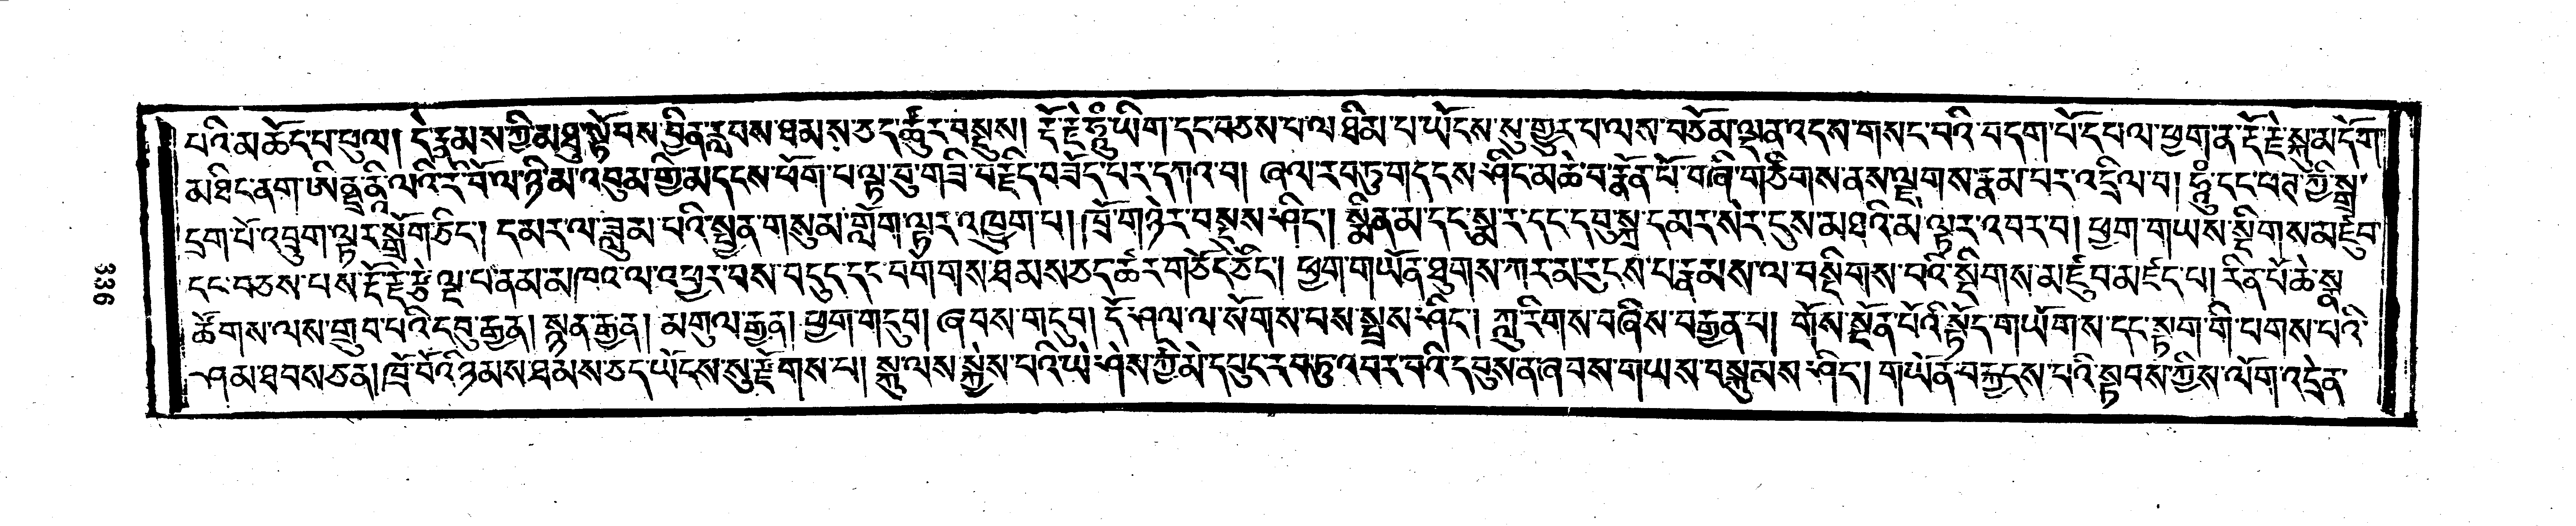པའི་མཆོད་པ་ཕུལ། དེ་རྣམས་ཀྱི་མཐུ་སྟོབས་བྱིན་རླབས་ཐམས་ཅད་ཚུར་བསྡུས། རྡོ་རྗེ་ཧཱུཾ་ཡིག་དང་བཅས་པ་ལ་ཐིམ་པ་ཡོངས་སུ་གྱུར་པ་ལས་བཅོམ་ལྡན་འདས་གསང་བའི་བདག་པོ་དཔལ་ཕྱག་ན་རྡོ་རྗེ་སྐུ་མདོག་
མཐིང་ནག་ཨིནྡྲ་ནཱི་ལའི་རི་བོ་ལ་ཉི་མ་འབུམ་གྱི་མདངས་ཕོག་པ་ལྟ་བུ་གཟི་བརྗིད་བཟོད་པར་དཀའ་བ། ཞལ་རབ་ཏུ་གདངས་ཤིང་མཆེ་བ་རྣོན་པོ་བཞི་གཙིགས་ནས་ལྗགས་རྣམ་པར་འདྲིལ་བ། ཧཱུཾ་དང་ཕཊ་ཀྱི་སྒྲ་
དྲག་པོ་འབྲུག་ལྟར་སྒྲོག་ཅིང་། དམར་ལ་ཟླུམ་པའི་སྤྱན་གསུམ་གློག་ལྟར་འཁྱུག་པ། ཁྲོ་གཉེར་བསྡུས་ཤིང་། སྨིན་མ་དང་སྨ་ར་དང་དབུ་སྐྲ་དམར་སེར་དུས་མཐའི་མེ་ལྟར་འབར་བ། ཕྱག་གཡས་སྡིགས་མཛུབ་
དང་བཅས་པས་རྡོ་རྗེ་རྩེ་ལྔ་པ་ནམ་མཁའ་ལ་འཕྱར་བས་བདུད་དང་བགེགས་ཐམས་ཅད་ཚར་གཅོད་ཅིང་། ཕྱག་གཡོན་ཐུགས་ཀར་མ་རུངས་པ་རྣམས་ལ་བསྡིགས་པའི་སྡིགས་མཛུབ་མཛད་ལ། རིན་པོ་ཆེ་སྣ་
ཚོགས་ལས་གྲུབ་པའི་དབུ་རྒྱན། སྙན་རྒྱན། མགུལ་རྒྱན། ཕྱག་གདུབ། ཞབས་གདུབ། དོ་ཤལ་ལ་སོགས་པས་སྤྲས་ཤིང་། ཀླུ་རིགས་བཞིས་བརྒྱན་པ། གོས་སྔོན་པོའི་སྟོད་གཡོགས་དང་སྟག་གི་པགས་པའི་
ཤམ་ཐམས་ཅན། ཁྲོ་བོའི་ཉམས་ཐམས་ཅད་ཡོངས་སུ་རྫོགས་པ། སྐུ་ལས་སྐྱེས་པའི་ཡེ་ཤེས་ཀྱི་མེ་དཔུང་རབ་ཏུ་འབར་བའི་དབུས་ན་ཞབས་གཡས་བསྐུམས་ཤིང་། གཡོན་བརྐྱངས་པའི་སྟབས་ཀྱིས་ལོག་འདྲེན་